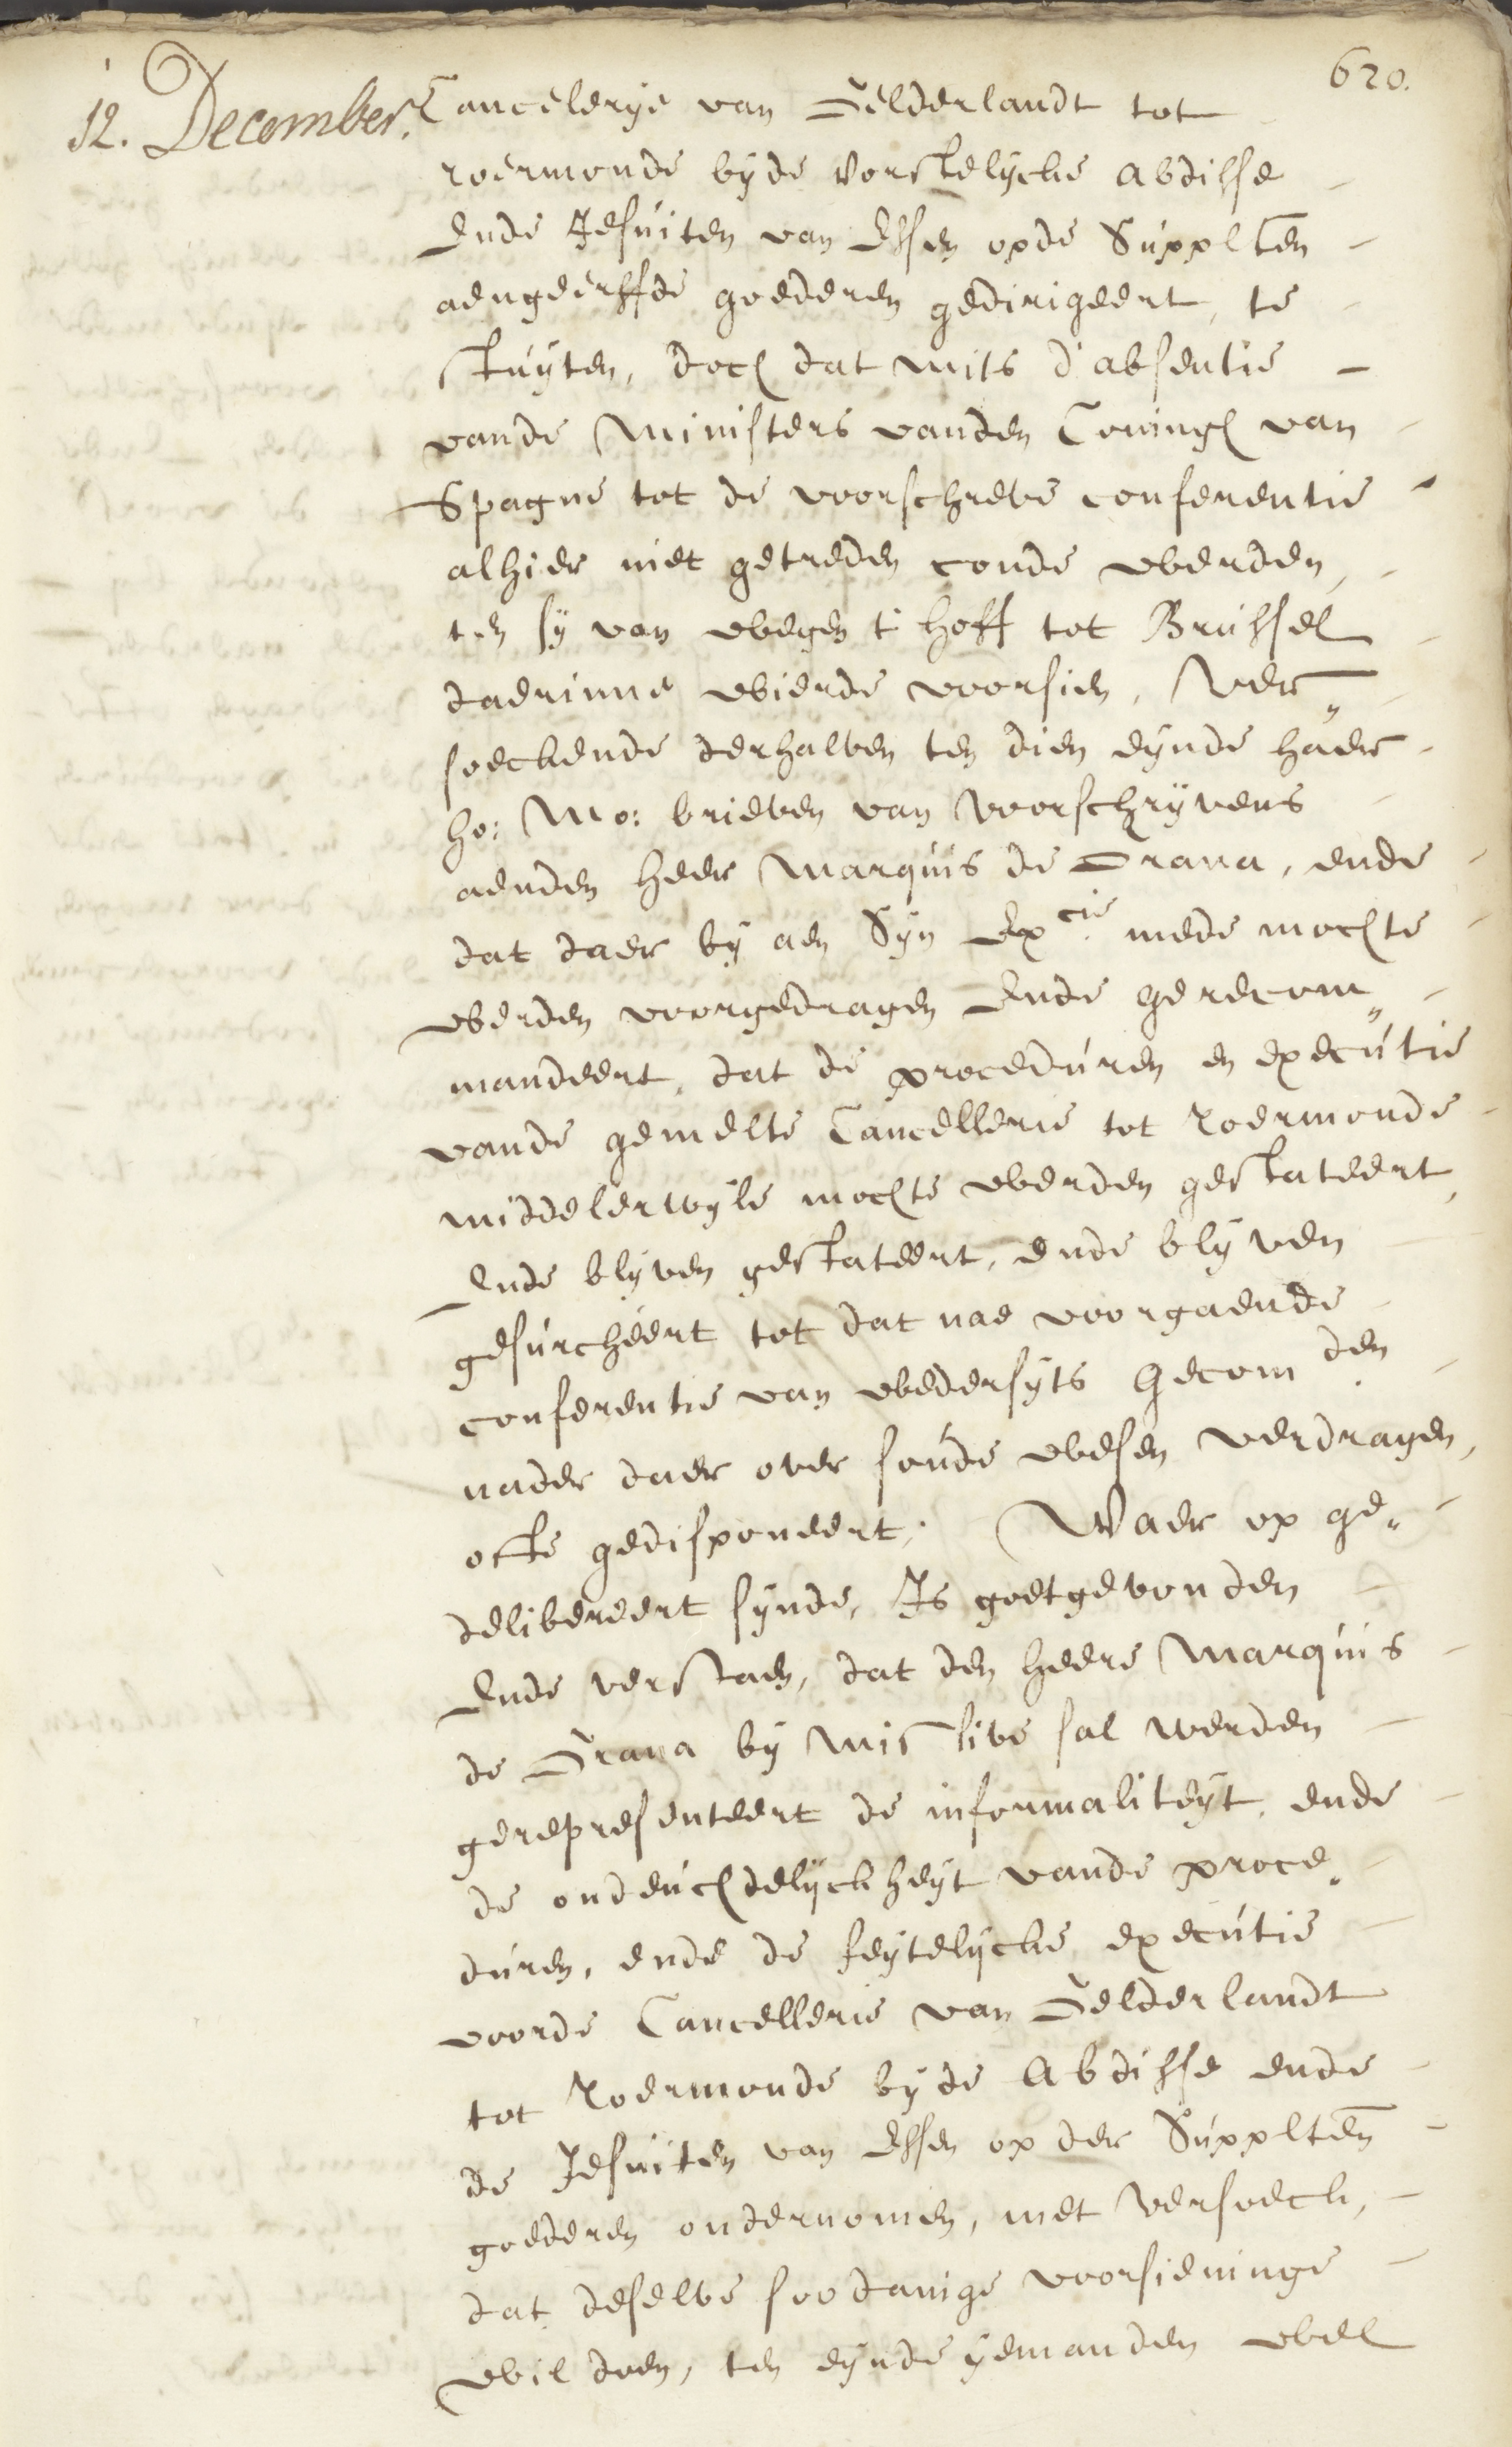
620
12. December.
Cancelerije van Gelderlandt tot
roermonde bijde vorstelijcke abdisse
ende Jesuiten van Essen opde Supplten
aengeerffde goederen gedirigeert te
sluijten, doch dat mits d'absentie
vande ministers vanden Coningh van
Spagne tot de voorschreve conferentie
alhier niet getreden conde werden,
ten sij van wegen t' hoff tot Brussel
daerinne wierde voorsien. Ver„
soeckende derhalven te dien eijnde haer
Ho:Mo: brieven van voorschrijvens
aenden heer Marquis de Grana, ende
dat daer bij aen Sijn Excie. mede mochte
werden voorgedragen ende gerecom„
mandeert, dat de proceduren ende executie
vande gemelte Cancellerie tot roermonde
middelerwijls mochte werden gestateert
ende blijven gestateert ende blijven
gesurcheert tot dat nae voorgaende
conferentie van wedersijts gecomden
nader daer over soude wesen verdragen
offte gedisponeert. Waer op ge„
delibereert sijnde, Is goetgevonden
ende verstaen, dat de heere Marquis
de Grana bij missive sal werden
gerepresenteert de informaliteijt ende
de ondeuchdelijckheijt vande proce„
duren ende de feijtelijcke executie
voorde Cancellerie van Gelderlandt
tot roermonde bij de abdisse ende
de Jesuiten van Essen op der Supplten
goederen ondernomen, met versoeck
dat deselve soodanige voorsieninge
wil doen, ten eijnde ijemanden wel
